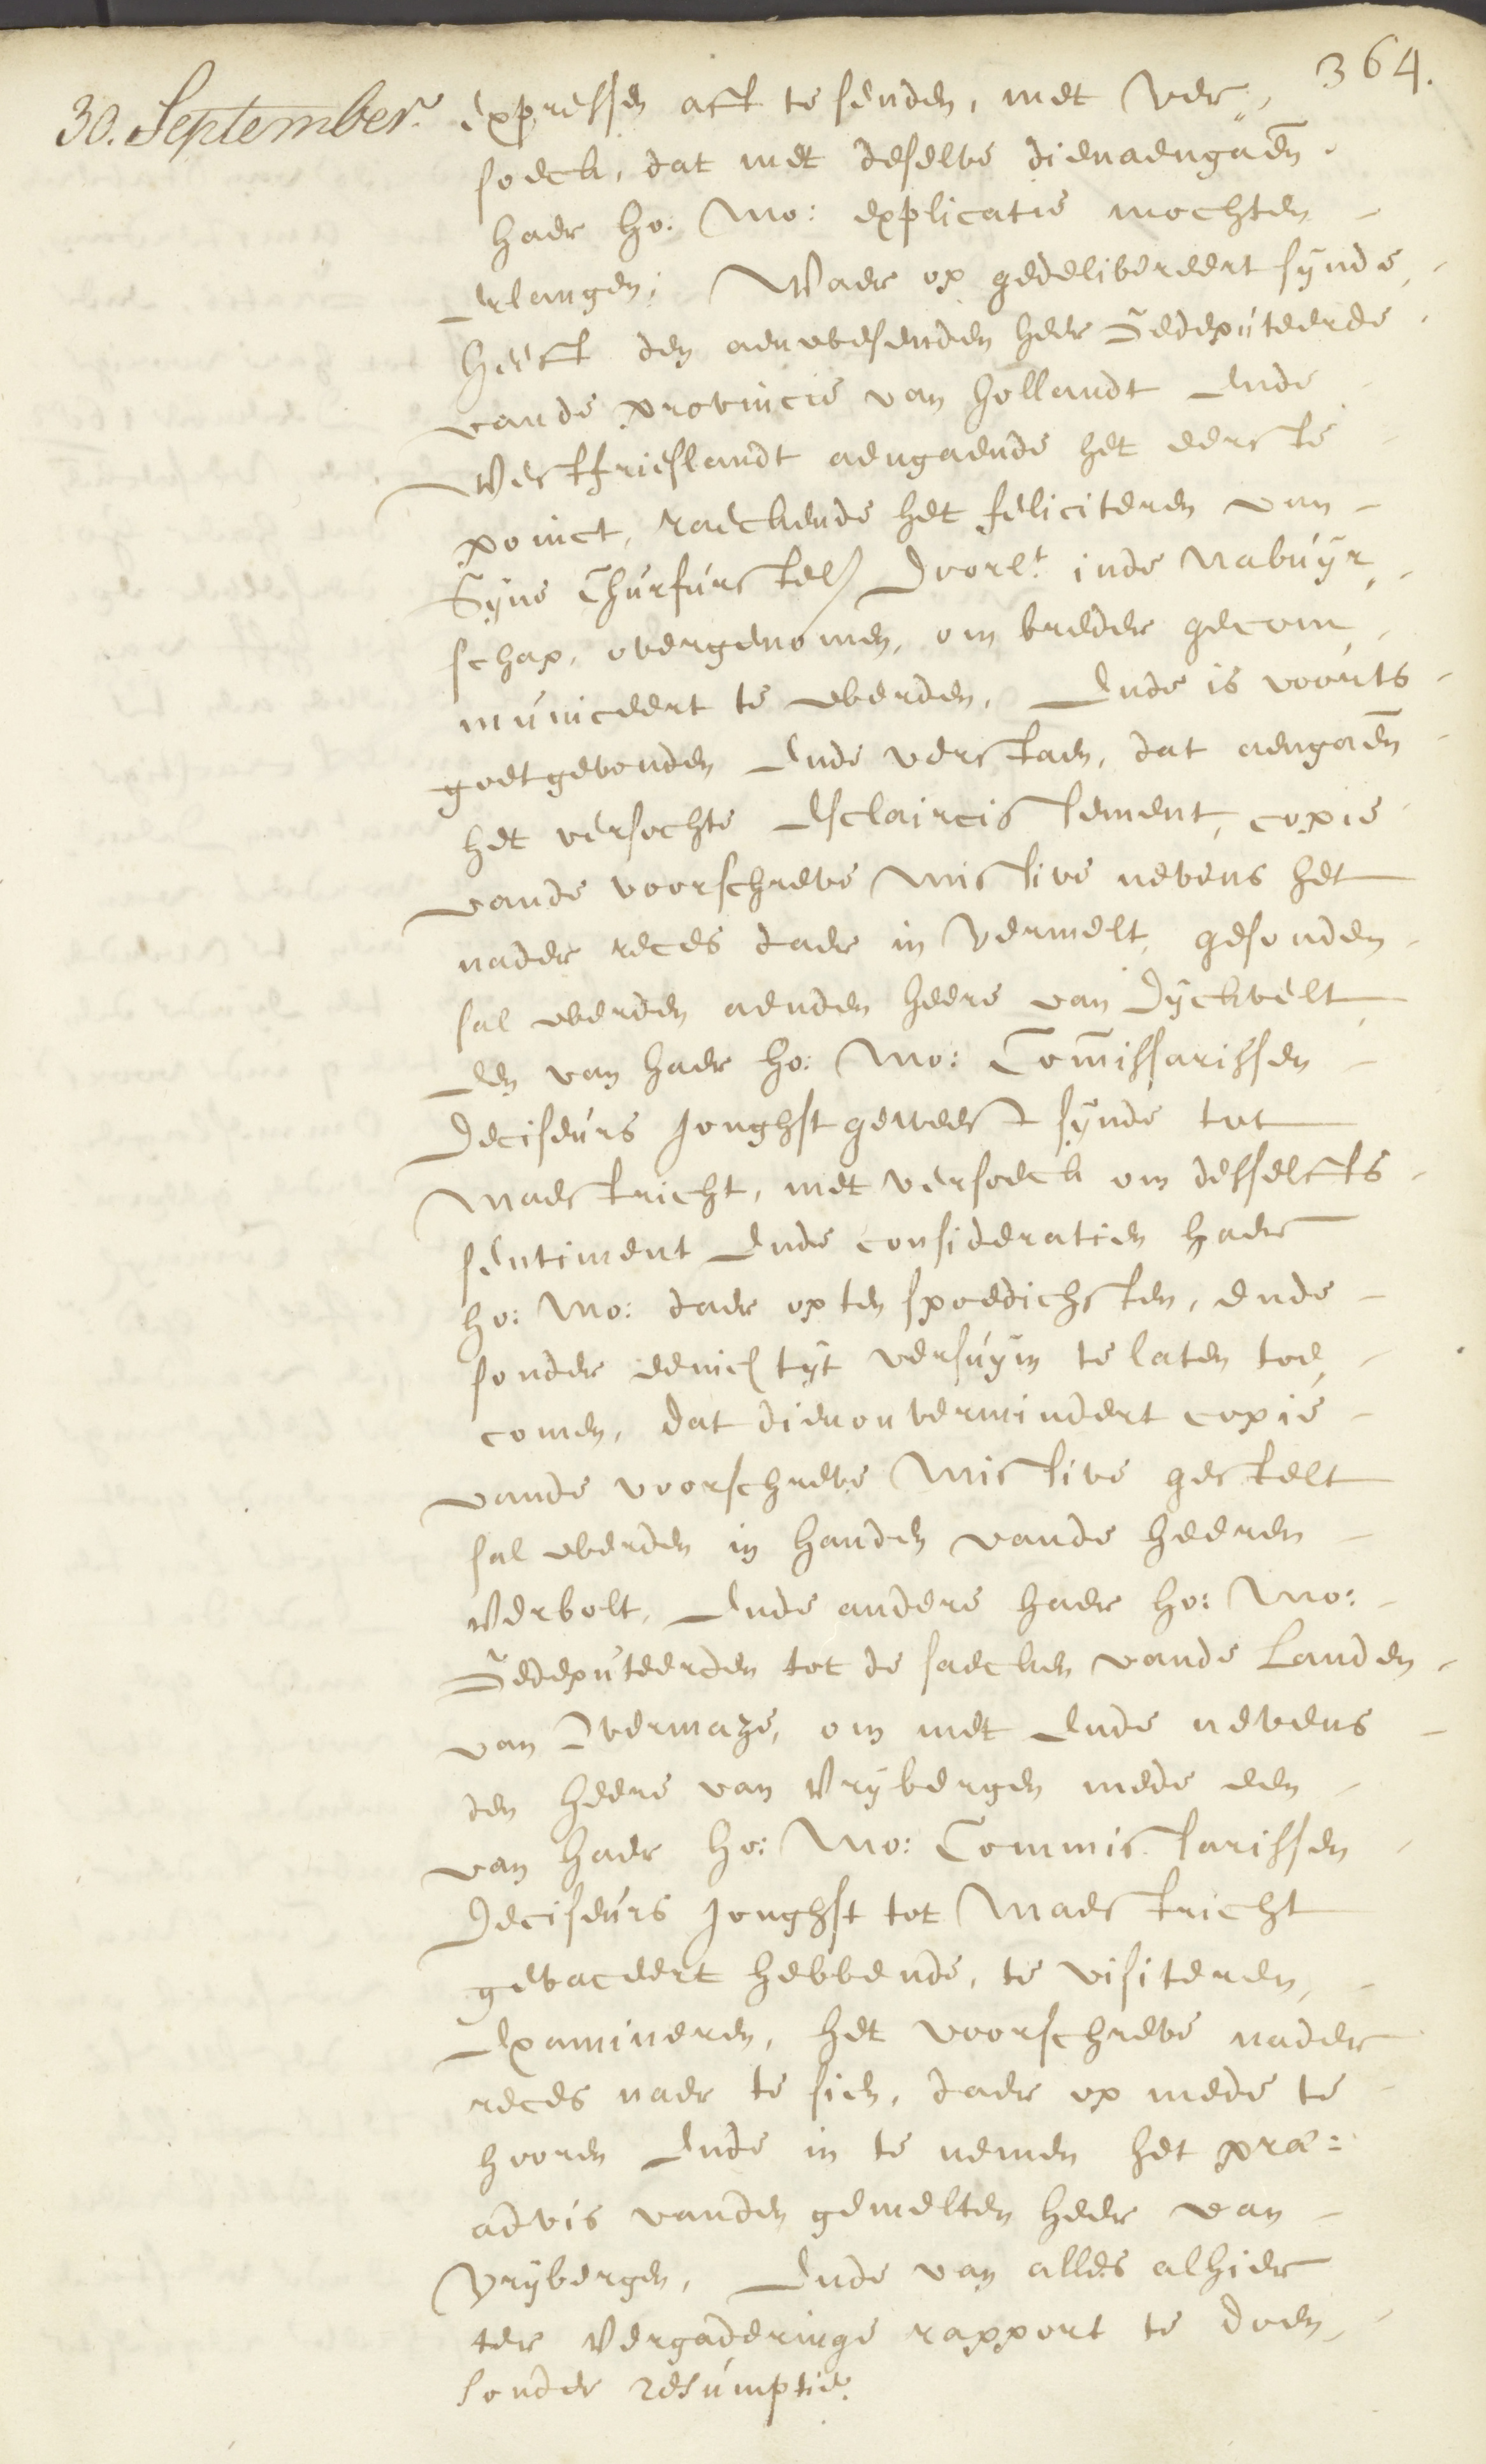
364.
30. September.
expressen aff te senden, met ver„
soeck, dat met deselve dienaengaen
haer ho:Mo: explicatie mochten
erlangen: Waer op gedelibereert sijnde,
heeft den aenwesenden heer Gedeputeerde
vande provincie van hollandt ende
Westfrieslandt aengaende het eerste
poinct, raeckende het feliciteren van
Sijne Churfurstel Doorlt. inde Nabuijr„
schap, overgenomen, om breder gecom„
municeert te werden. Ende is voorts
goetgevonden ende verstaen, dat aengaen
het versochte esclaircissement, copie
vande voorschreve missive nevens het
nader reces daer in vermelt, gesonden
sal werden aenden heere van Dijckvelt
een van haer ho:mo: Commissarissen
Deciseurs jonghst geweest sijnde tot
Maestricht, met versoeck om desselffs
sentiment ende consideratien haer
ho:Mo: daer op ten spoedichsten, ende
sonder eenich tijt versuijm te laten toe„
comen, dat dien onvermindert copie
vande voorschreve Missive gestelt
sal werden in handen vande heeren
Verbolt, ende anders haer ho:Mo:
Gedeputeerden tot de saecken vande Landen
van Overmaze, om met ende nevens
den heere van Vrijbergen mede een
van haer ho:Mo: Commissarissen
Deciseurs jonghst tot maestricht
gevaceert hebbende, te visiteren,
examineren, het voorschreve nader
reces naer te sien, daer op mede te
hooren ende in te nemen het præ„
advis vanden gemelten heer van
Vrijbergen, ende van alles alhier
ter Vergaderinge rapport te doen
sonder resumptie.
